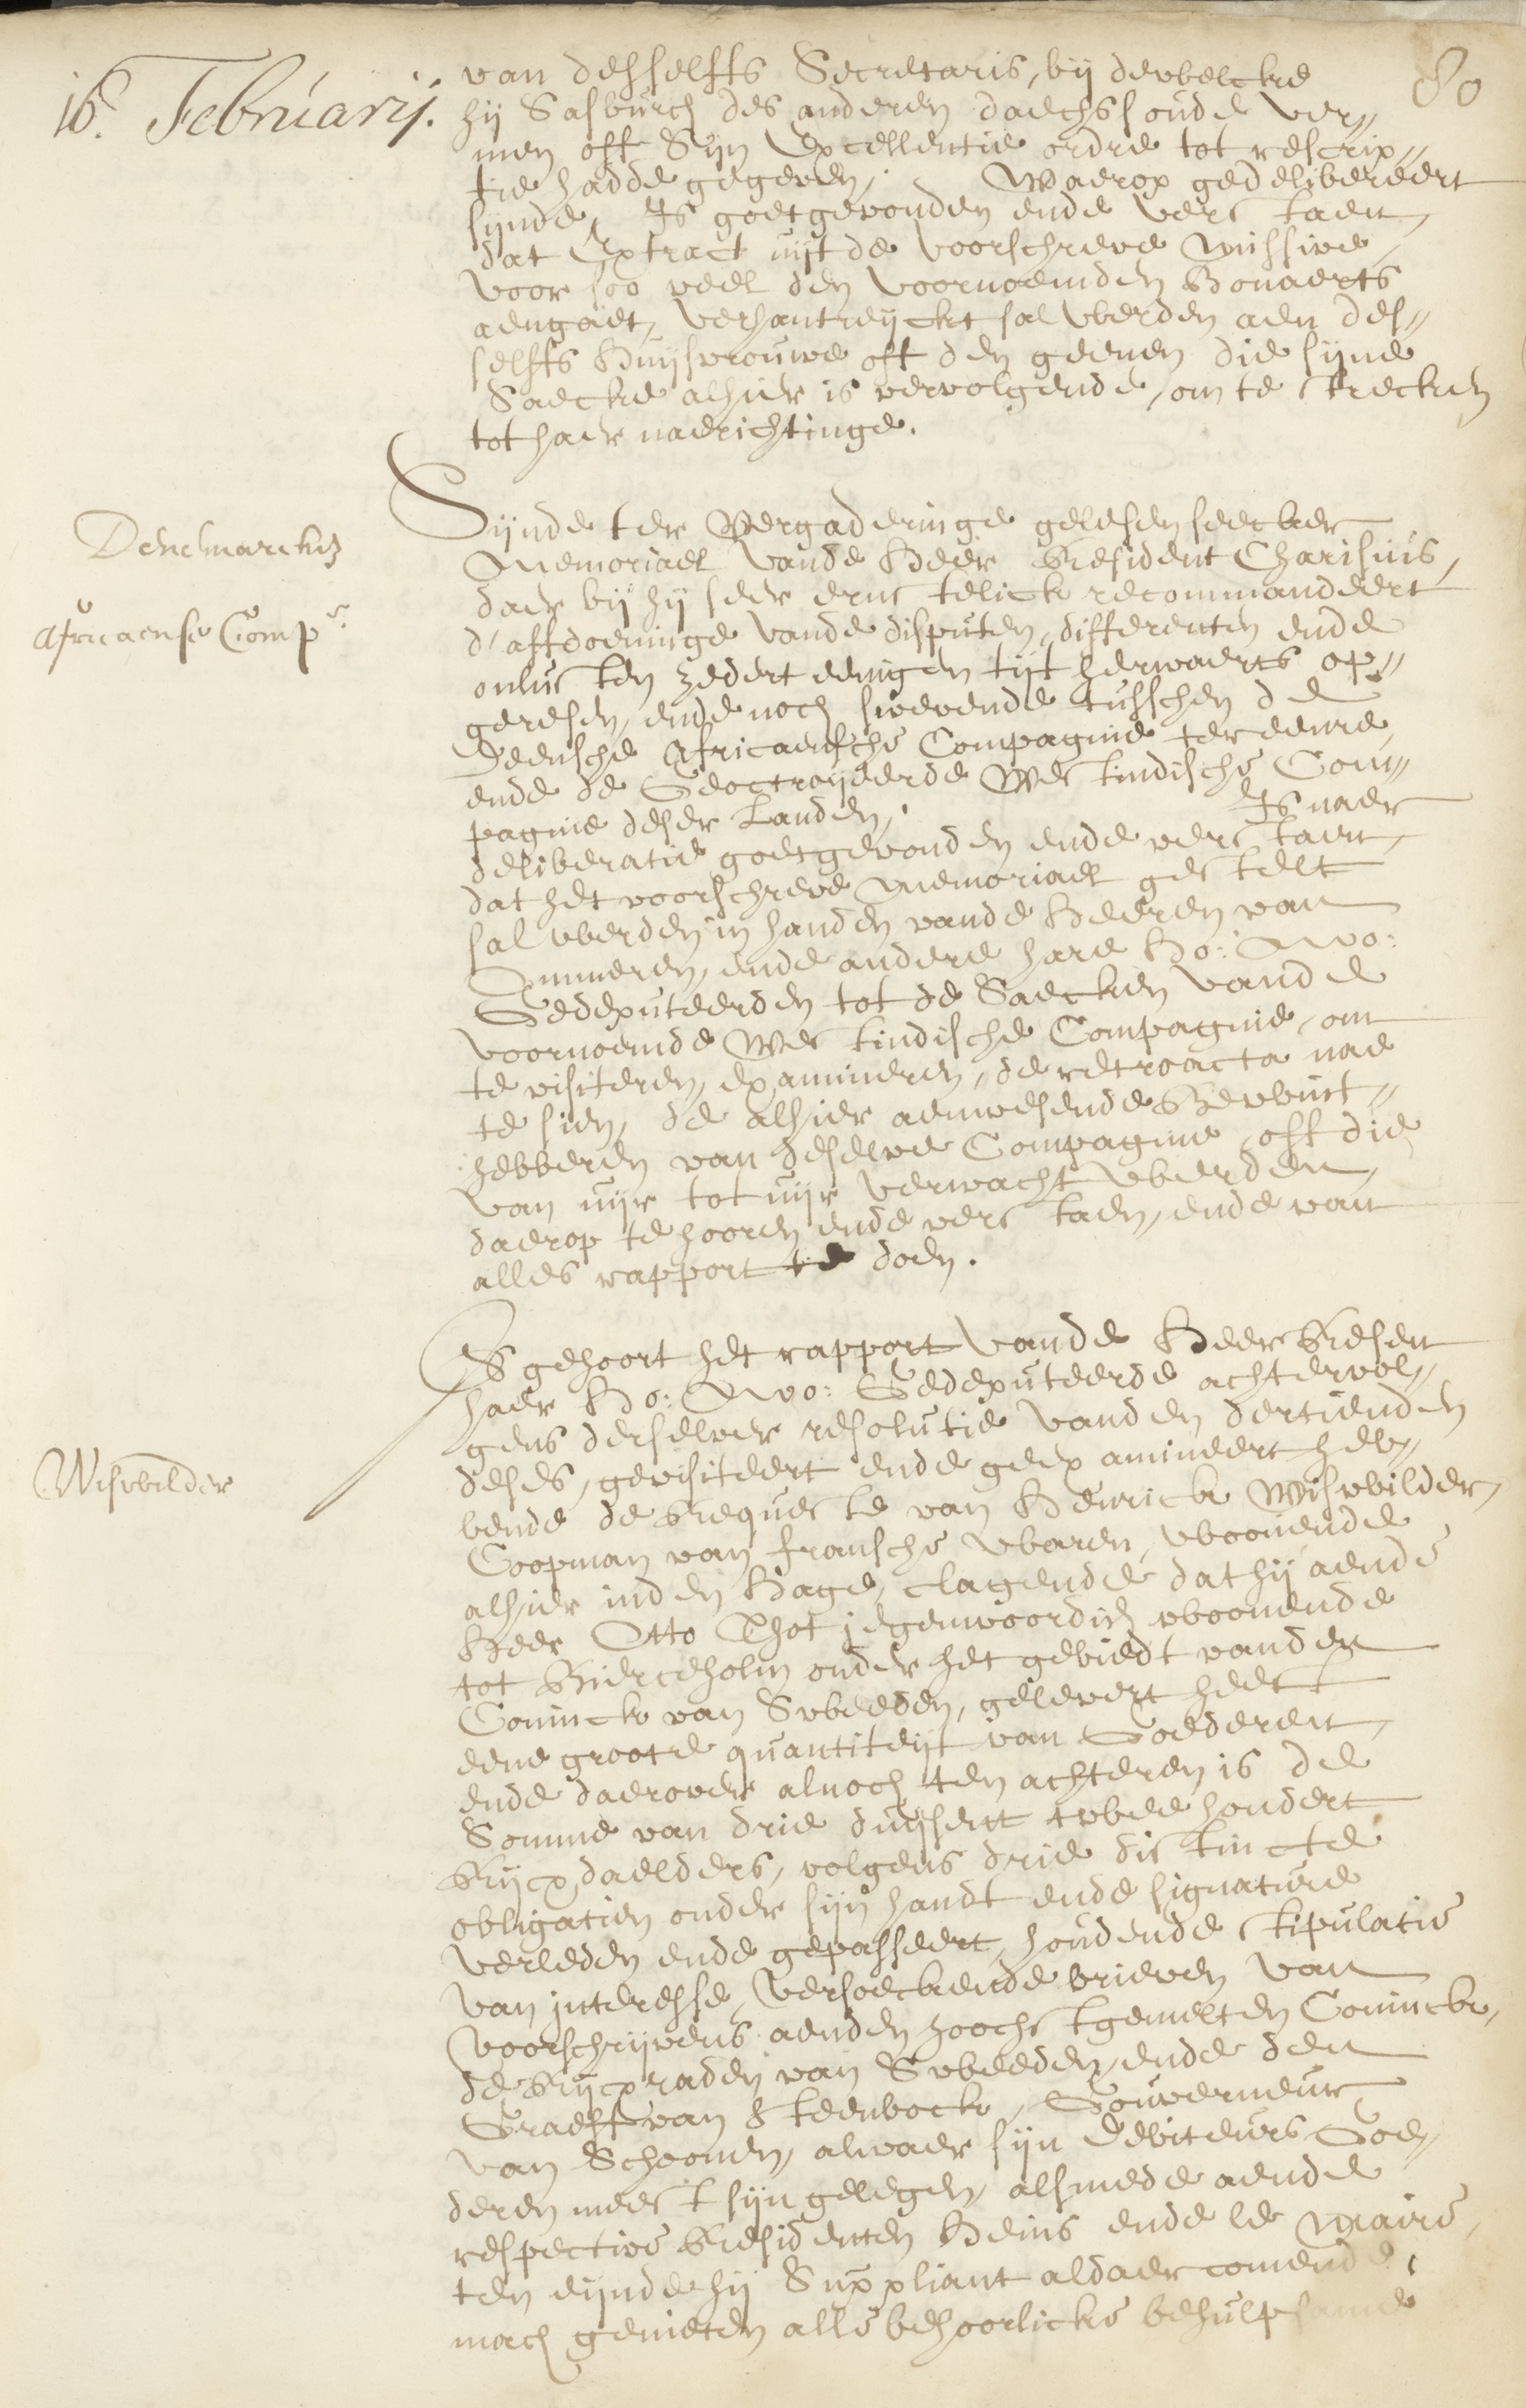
80
16 Februarij
van desselffs Secretaris, bij dewelcke
hij Sasburch des anderen daechs soude ver„
men off Sijn Excellentie ordre tot rescrip„
tie hadde gegeven. Waerop gedelibereert
sijnde, Is goetgevonden ende verstaen
dat Extract uijt de voorschreve missive
voor soo veel den voornoemden Bonaerts
aengaet, verhantreijckt sal werden aen des„
selffs Huijsvrouwe oft den geenen die sijne
Saecke alhier is vervolgende, om te strecken
tot haere naerichtinge.
Denemarcken
Africaense Compe.
Sijnde ter Vergaderinge gelesen seecker
Memoriael vande Heer Resident Charisius,
daer bij hij seer ernstelick recommandeert
d‛affdoeninge vande disputen, differenten ende
onlusten zedert eenigen tijt herwaerts op„
geresen, ende noch swerende tusschen de
Deensche Africaensche Compagnie ter eenre
ende de Geoctroijeerde Westindische Com„
pagnie deser Landen. Is naer
deliberatie goetgevonden ende verstaen,
dat het voorschreve memoriael gestelt
sal werden in handen vande Heeren van
Ommeren, ende andere hare Ho:Mo:
Gedeputeerden tot de Saecken vande
voornoemde Westindische Compagnie om
te visiteren, examineren, de retroacta nae
te sien, de alhier aenwesende Bewint„
hebberen van deselve Compagnie, oft die
van uijr tot uijr verwacht werden,
daerop te hooren ende verstaen, ende van
alles rapport te doen.
Wiswilder
Is gehoort het rapport van de Heer Resen
haer Ho:Mo: Gedeputeerde achtervol„
gens derselver resolutie vanden dertienden
deses, gevisiteert ende geexamineert heb„
bende de Requeste van Henrick Wiswilder,
Coopman van fransche waren, woonende
alhier inden Hage, clagende dat hij aende
Heer Otto Thot jegenwoordich woonende
tot Bierceholm onder het gebiedt vanden
Coninck van Sweeden, gelevert heeft
eene groote quantiteijt van Goederen,
ende daerover alnoch ten achteren is de
Somme van drie duijsent twee hondert
Rijcxdaelders, volgens drie distincte
obligatien onder sijn handt ende signature
verleden ende gepasseert, houdende stipulatie
van interesse, versoeckende brieven van
voorschrijvens aenden hoochstgemelten Coninck,
de Rijcxraden van Sweeden, ende den
Graeff van Steenbock, Gouverneur
van Schoonen, alwaer sijn Debiteurs Goe„
deren meest sijn gelegen, alsmede aende
respective Residenten Heins ende le Maire
ten eijnde hij Suppliant aldaer comende,
mach genieten alle behoorlicke behulpsame
